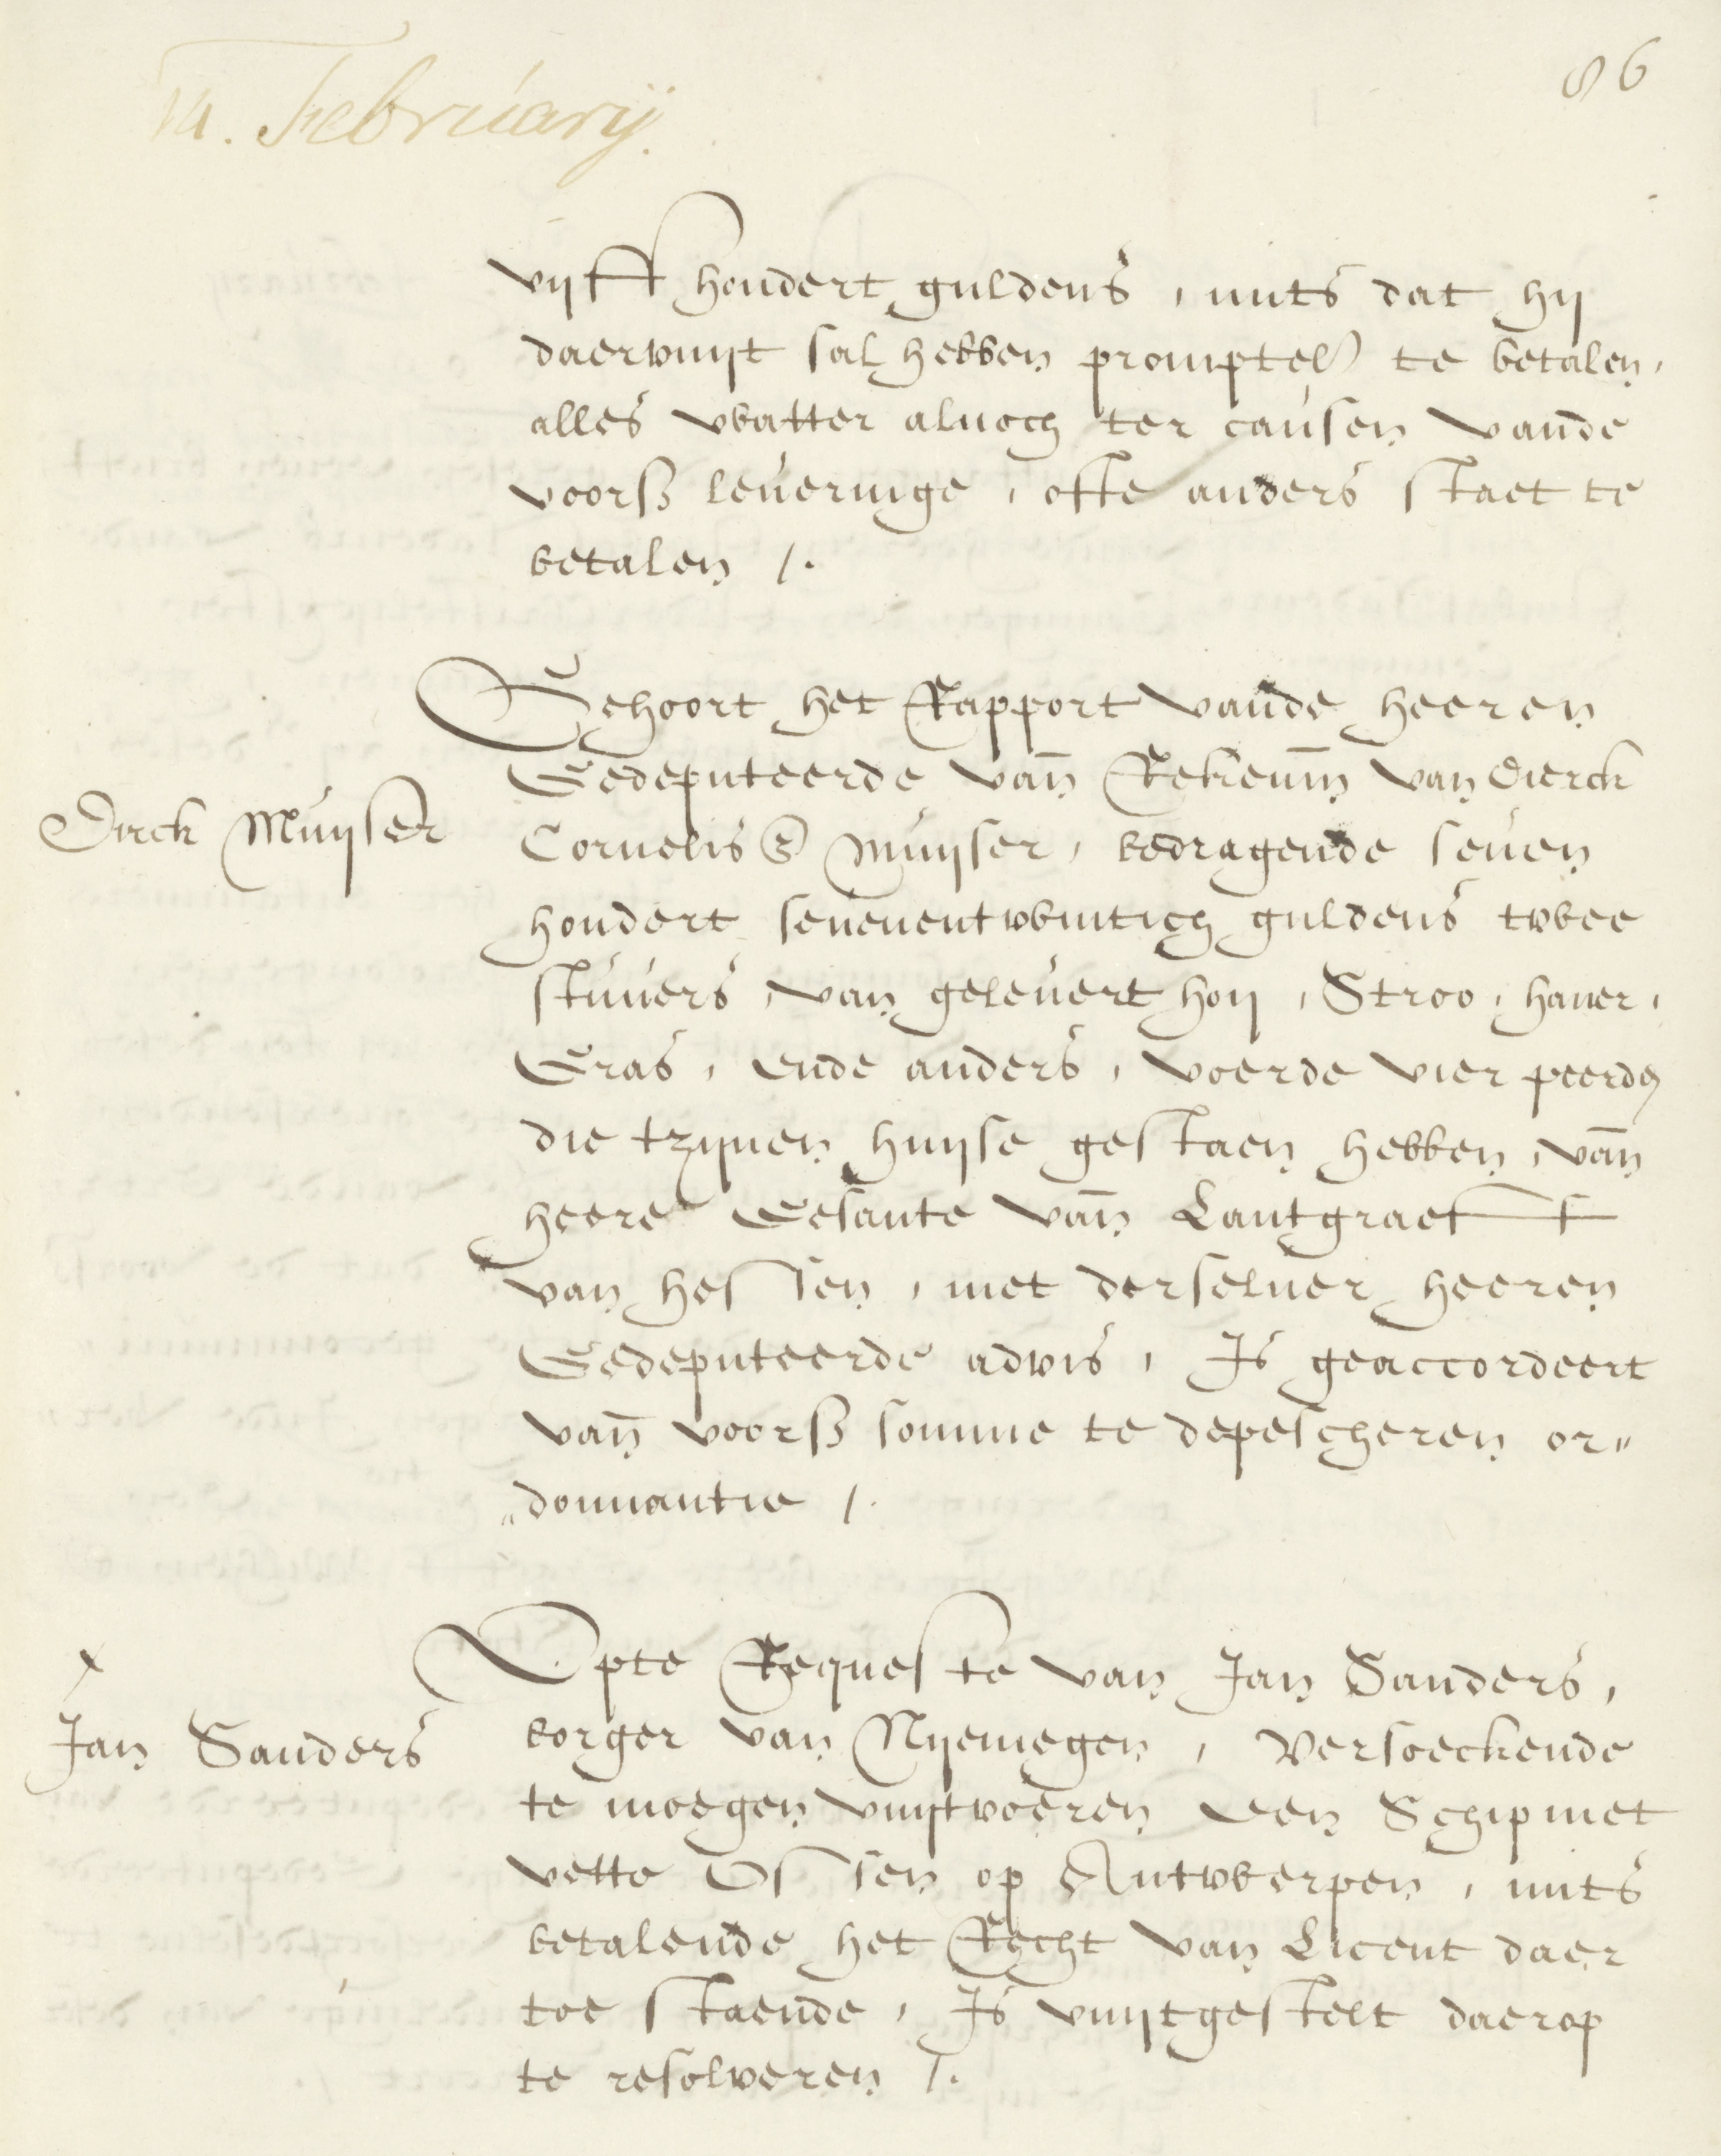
86
14. Februarij
vyff hondert guldens, mits dat hy
daervuyt sal hebben promptel te betalen,
alles watter alnoch ter causen vande
voors leueringe, ofte anders staet te
betalen.
Dirck Muyser
Gehoort het Rapport vande heeren
Gedeputeerde van Rekenin van Dierck
Cornelisz Muyser, bedragende seuen
hondert seuenentwintich guldens twee
stuuers, van geleuert hoy, Stroo, hauer,
Gras, ende anders, voerde vier peerden
die tzynen huyse gestaen hebben, van
heere Gesante van Lantgraeff
van hessen, met derseluer heeren
Gedeputeerde advis. Is geaccordeert
van voors somme te depescheren or,,
,,donnantie.
Jan Sanders
Opte Requeste van Jan Sanders,
borger van Nyemegen, Versoeckende
te moegen vuytvoeren een Schip met
vette Ossen op Antwerpen, mits
betalende het Recht van Licent daer
toe Staende. Is vuytgestelt daerop
te resolveren.
